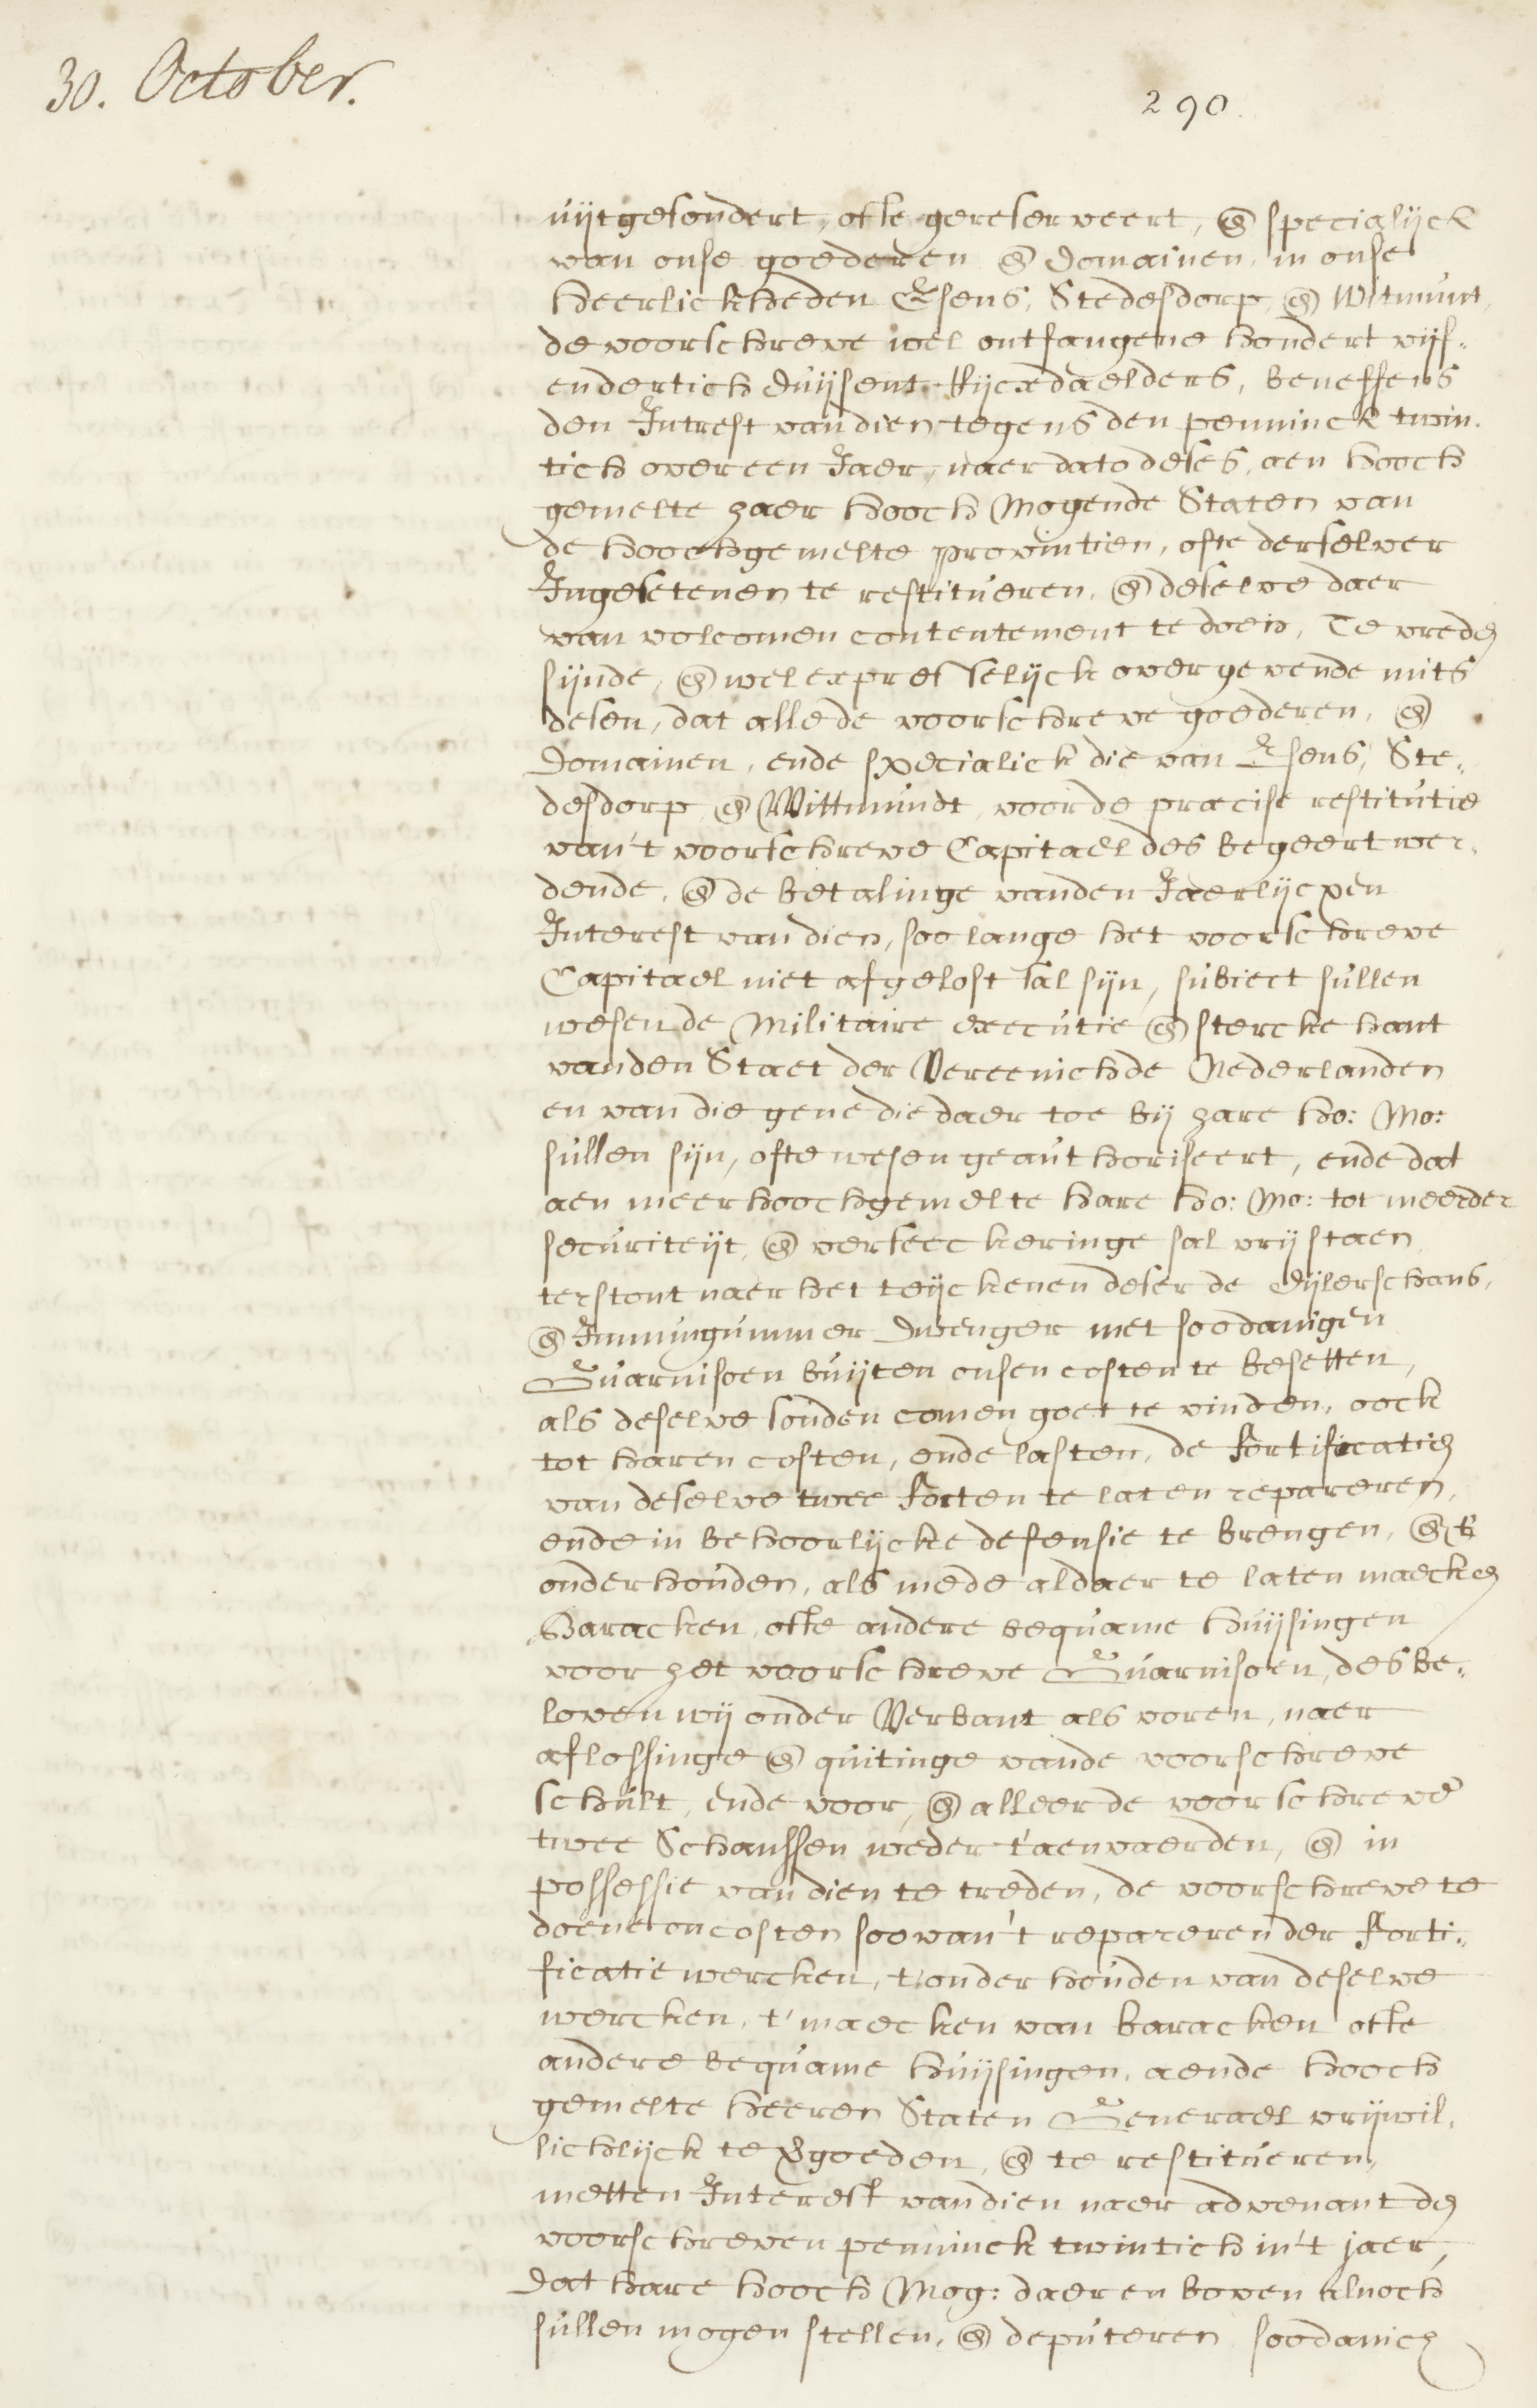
290.
30. October.
uijtgesondert, ofte gereserveert, & specialijck
van onse goederen & domainen, in onse
Heerlickheden Esens, Stedesdorp, & Witmunt,
de voorschreve wel ontfangene hondert vijf„
endertich Duijsent Rijcxdaelders, beneffens
den Intrest van dien tegens den penninck twin„
tich over een Jaer, naer dato deses, aen hooch
gemelte haer Hooch Mogende Staten van
de hoochgemelte provintien, ofte derselver
Ingesetenen te restitueren, & deselve daer
van volcomen contentement te doen. Tevreden
sijnde, & wel expresselijck overgevende mits
desen, dat alle de voorschreve goederen, &
Domainen, ende specialick die van Esens, Ste„
desdorp & Wittmundt, voor de pracise restitutie
van 't voorschreve Capitael des begeert wer„
dende, & de betalinge vanden Jaerlijcxen
Interest van dien, soo lange het voorschreve
Capitael niet afgelost sal sijn, subiect sullen
wesen de militaire executie & stercke hant
van den Staet der Vereenichde Nederlanden
en van die gene die daer toe bij hare Ho:Mo:
sullen sijn, ofte wesen geauthoriseert, ende dat
aen meerhoochgemelte hare Ho:Mo: tot meerder
securiteijt, & verseeckeringe sal vrijstaen
terstont naer het teijckenen deser de Dijlerschans
& Immuigummer Dwenger met soodanigen
Guarnisoen buijten onsen costen te besetten,
als deselve souden comen goet te vinden, oock
tot haren costen, ende lasten, de fortifacatien
van deselve twee forten te laten repareren,
ende in behoorlijcke defensie te brengen, & t‛
onderhouden, als mede aldaer te laten maecken
Baracken, ofte andere bequame Huijsingen
voor het voorschreve Guarnisoen, des be„
loven wij onder Verbant als voren, naer
aflossinge & quitinge vande voorschreve
schult ende voor, & alleer de voorschreve
twee Schanssen weder t'aenvaerden, & in
possessie van dien te treden, de voorschreve te
doene oncosten soo van 't repareren der forti„
ficatie wercken, t‛onderhouden van deselve
wercken, t'maecken van baracken ofte
andere bequame huijsingen, aende hooch
gemelte heeren Staten Generael vrijwil„
lichlijck te vgoeden, & te restitueren,
metten Interest van dien naer advenant den
voorschreven penninck twintich in't jaer,
dat hare hooch Mog: daer en boven alnoch
sullen mogen stellen, & deputeren, soodanich
